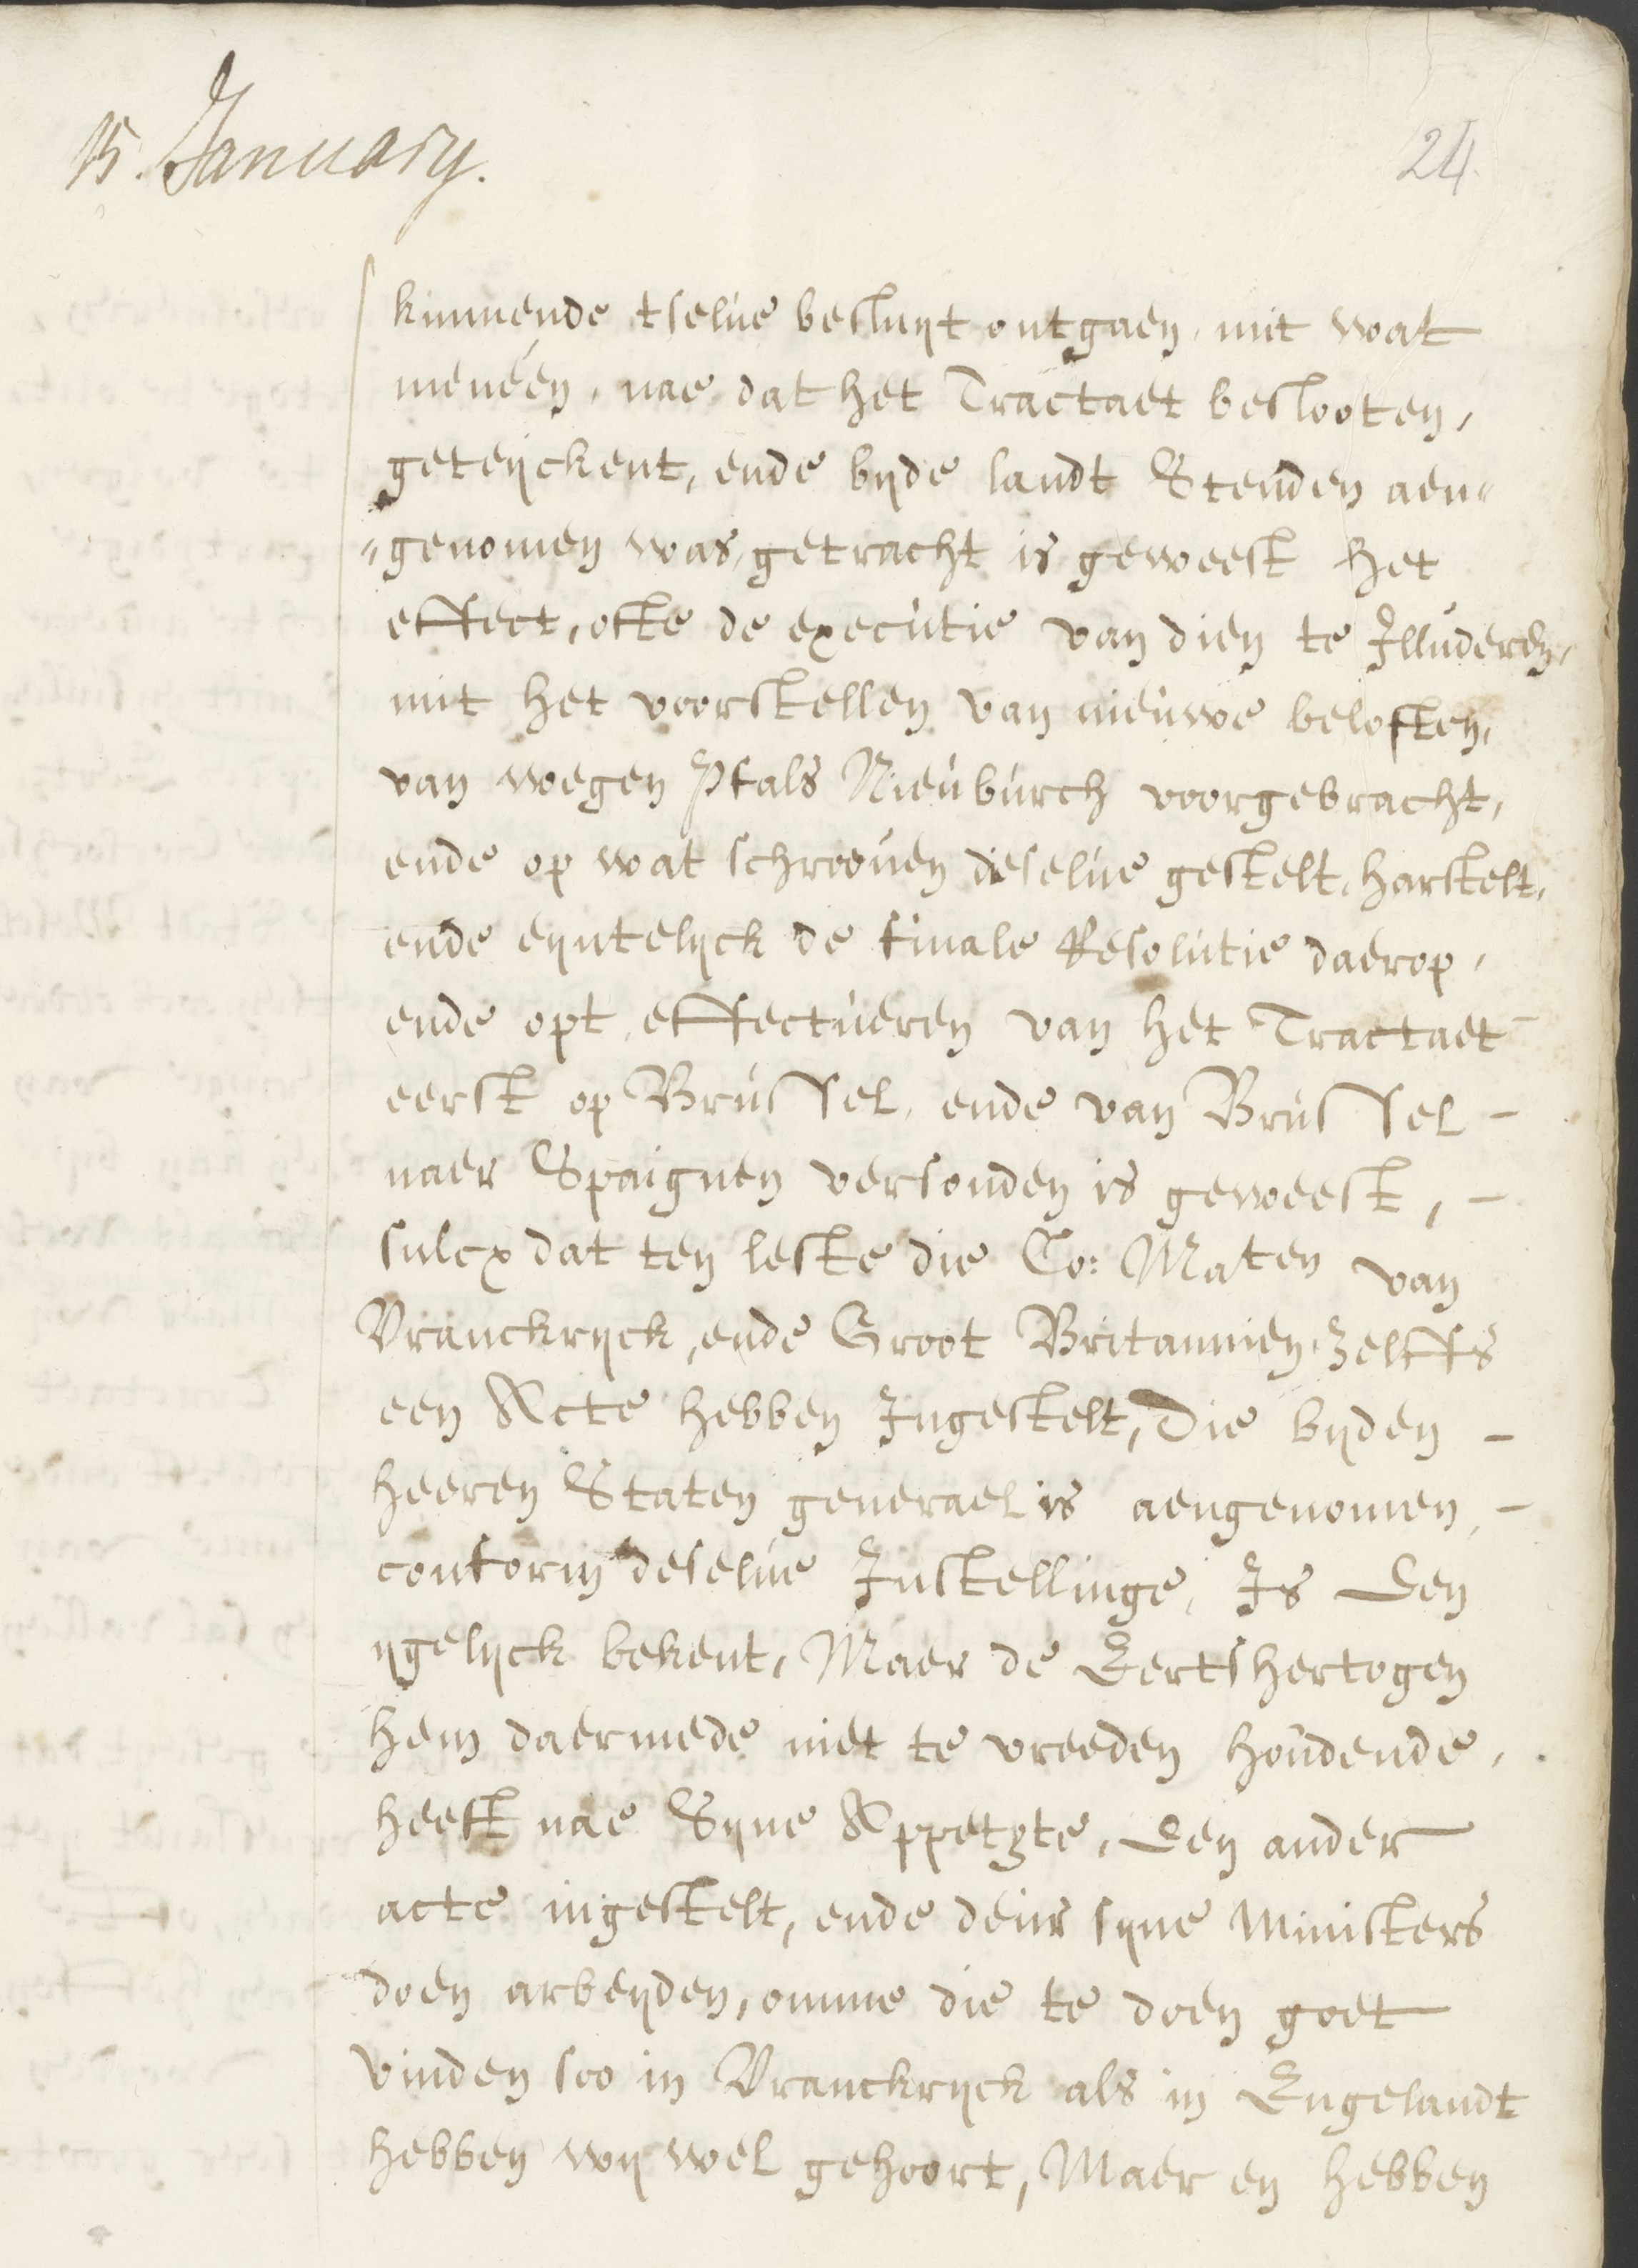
24
15. January.
kunnende tselue besluyt ontgaen, mit wat
menéen, nae dat het Tractaet beslooten,
geteyckent, ende byde landt Stenden aen„
,,genomen was, getracht is geweest het
effect, ofte de executie van dien te Illuderen
mit het voorstellen van nieuwe beloften,
van wegen Pfals Nieuburch voorgebracht,
ende op wat schroeuen deselue gestelt, harstelt,
ende eyntelyck de finale Resolutie daerop,
ende opt effectueren van het Tractaet
eerst op Brussel, ende van Brussel -
naer Spaignen versonden is geweest, -
sulcx dat ten leste die Co: Maten van
Vranckryck, ende Groot Brittannien, zelffs
een Acte hebben Ingestelt, die byden -
heeren Staten generael is aengenomen -
conform deselue Instellinge, Is Een
ygelyck bekent, Maer de Eertshertogen
hem daermede niet te vreeden houdende,
heeft nae Syne Appetyte, Een ander
acte ingestelt, ende deur syne ministers
doen arbeyden, omme die te doen goet
vinden soo in Vranckryck als in Engelandt
hebben wy wel gehoort, Maer en hebben
